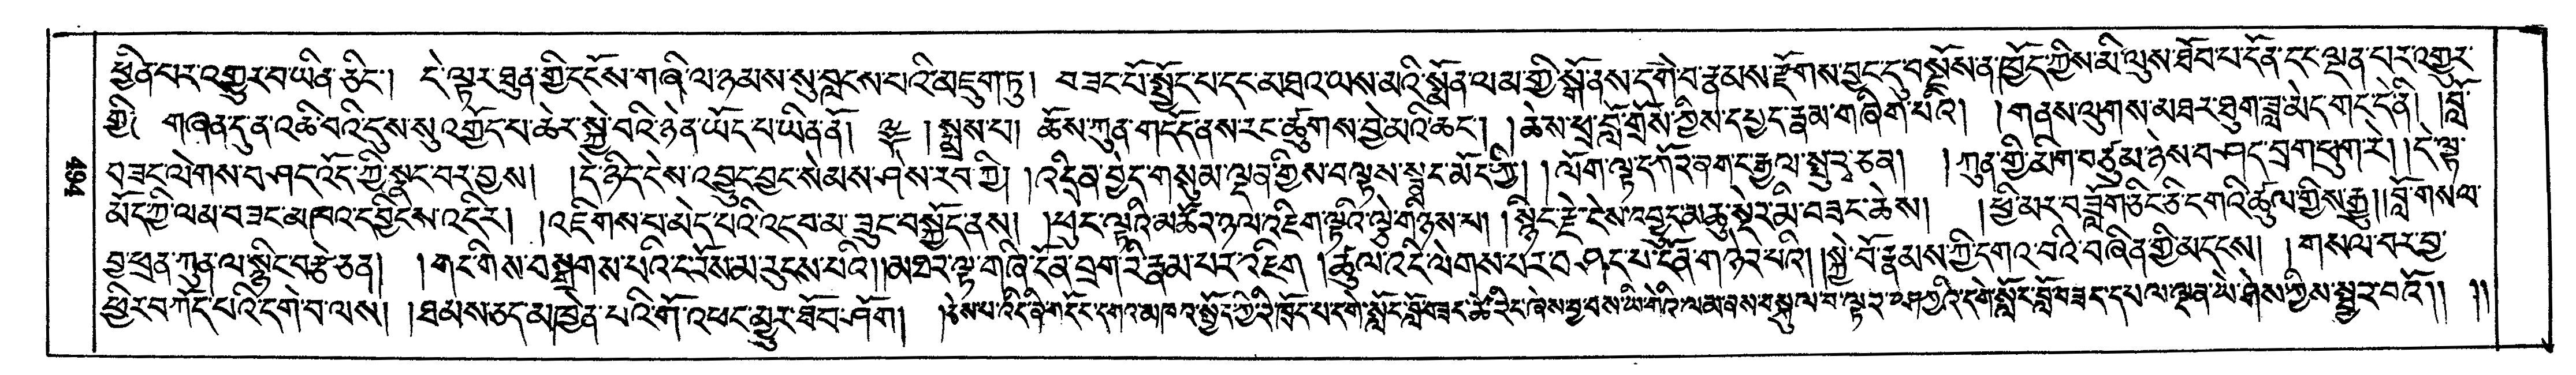ཕྱིན་པར་འགྱུར་བ་ཡིན་ཅིང་། དེ་ལྟར་ཐུན་གྱི་དངོས་གཞི་ལ་ཉམས་སུ་བླངས་པའི་མཇུག་ཏུ། བཟང་པོ་སྦྱོད་པ་དང་མཐའ་ཡས་མའི་སྨོན་ལམ་གྱི་སྒོ་ནས་དགེ་བ་རྣམས་རྫོགས་བྱང་དུ་བསྔོས་ན་ཁྱོད་ཀྱིས་མི་ལུས་ཐོབ་པ་དོན་དང་ལྡན་པར་འགྱུར་
གྱི༑ གཞན་དུ་ན་འཆི་བའི་དུས་སུ་འགྱོད་པ་ཆེར་སྐྱེ་བའི་ཉེན་ཡོད་པ་ཡིན་ནོ། ༈ །སྨྲས་པ། ཆོས་ཀུན་གདོད་ནས་རང་ཚུགས་བྱེ་མའི་ཆང་། །ཆེས་བྲ་བློ་གྲོས་ཀྱིས་དཔྱད་རྣམ་གཞིག་པའི། །གནས་ལུགས་མཐར་ཐུག་ཟླ་མེད་གང་དེ་ནི། །བློ་
བཟང་ལེགས་བཤད་འོད་ཀྱི་སྣང་བར་བྱས། །དེ་ཉིད་ངེས་འབྱུང་བྱང་སེམས་ཤེས་རབ་ཀྱི། །འདྲེན་བྱེད་གསུམ་ལྡན་གྱིས་བལྟས་སྣང་མོད་ཀྱི། །ལོག་ལྟ་དཀོར་ནག་ང་རྒྱལ་སྤུ་རྭ་ཅན། །ཀུན་གྱི་མིག་བཙུམ་ཉེས་བཤད་ཕྲག་ཕུག་རེ། །དེ་ལྟ་
མོད་ཀྱི་ལམ་བཟང་མཁའ་དབྱིངས་འདིར། །འཇིགས་པ་མེད་པའི་འདབ་མ་ཟུང་བསྐྱོད་ནས། །ཕུང་ལྔའི་མཆོར་ཉལ་འཇིག་ལྟའི་ལྕེ་གཉིས་པ། །སྙིང་རྗེ་ངེས་འབྱུང་མྕྪུ་སེར་མི་བཟང་ཆེས་།ཕྱེ་མར་བཟློག་ཅིང་ཅི་དགའི་ཚུལ་གྱིས་རྒྱུ། །བློ་གསལ་
བྱ་ཕྲན་ཀུན་ལ་སྙིང་བརྩེ་ཅན། །གང་གིས་བསྒྲགས་པའི་ང་རོས་མ་རུངས་པའི། །མཐར་ལྷ་གཞི་དོན་བྲག་རི་རྣམ་པར་འཇིག །ཚུལ་འདི་ལེགས་པར་བཤད་པ་དོན་གཉེར་བའི། །སྐྱེ་བོ་རྣམས་ཀྱི་དགའ་བའི་བཞིན་གྱི་མདངས། །གསལ་བར་བྱ་
ཕྱིར་བཀོད་པའི་དགེ་བ་ལས། །ཐམས་ཅད་མཁྱེན་པའི་གོ་འཕང་མྱུར་ཐོབ་ཤོག། ཅེས་པ་འདི་ནི་གདོང་དཀར་མཁའ་སྤྱོད་ཀྱི་རི་ཁྲོད་པ་དགེ་སློང་བློ་བཟང་ཚེ་རིང་ཞེས་བྱ་བས་ཡི་གེའི་ལམ་ནས་བསྐུལ་བ་ལྟར་༧་ཤཱཀྱའི་དགེ་སློང་བློ་བཟང་དཔལ་ལྡན་ཡེ་ཤེས་ཀྱིས་སྦྱར་བའོ།། །།